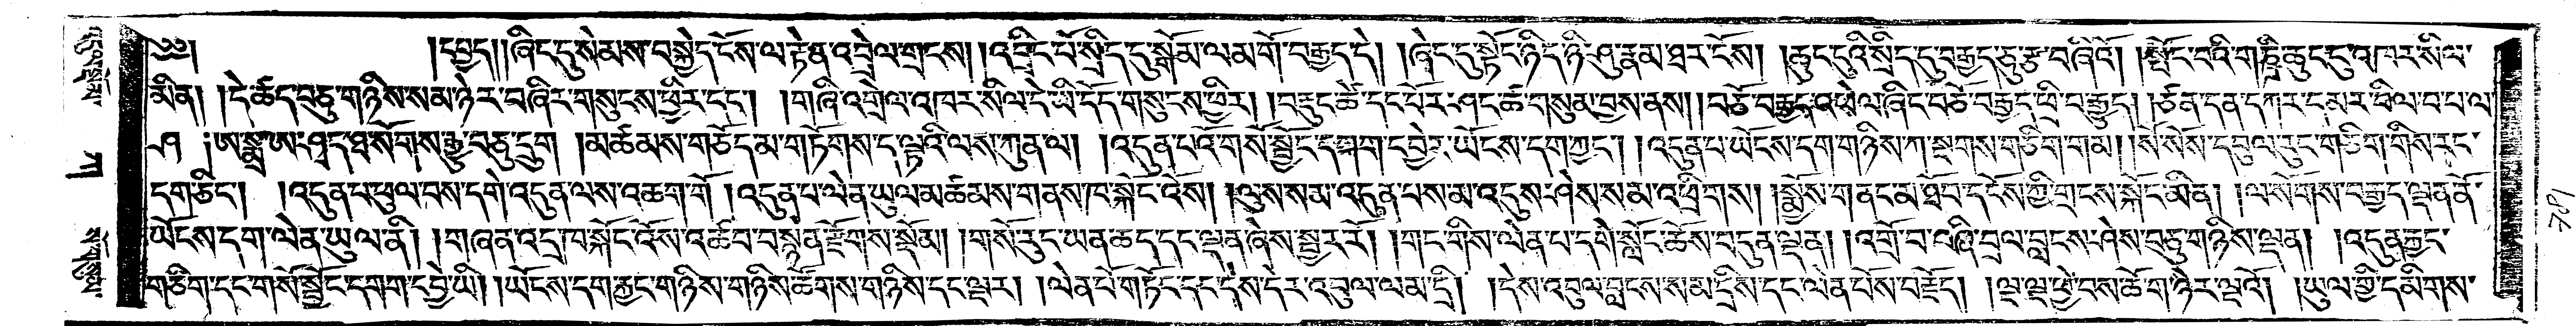༄༅། །དཔྱད། །ཞིང་དུ་སེམས་བསྐྱེད་ངོས་ལ་རྟེན་འབྲེལ་གྲངས། །འབྲིང་པོ་སྲིད་དུ་སྒོམ་ལམ་གོ་བརྒྱད་དེ། །ཞེང་དུ་སྟོང་ཉིད་ཉི་ཤུ་རྣམ་ཐར་ངོས། །ཆུང་དུའི་སྲིད་དུ་བརྒྱད་ཅུ་རྩ་བཞིའོ། །སྤོང་བའི་གཎྜི་ཆུང་དུ་འཁར་སིལ་
མིན། །དེ་ཚད་བཅུ་གཉིས་སམ་ཉེར་བཞིར་གསུངས་ཕྱིར་དང་། །གཞི་འགྲེལ་འཁར་སིལ་དེ་ཡི་དོད་གསུངས་ཕྱིར། །བརྡུང་ཚེ་དང་པོར་ཤང་ཚ་གསུམ་བྱས་ནས། །བཅོ་བརྒྱད་འཕེལ་ཞིང་བཅོ་བརྒྱད་ཕྲི་བརྒྱུད། །ཙན་དན་དཀར་དམར་བིལ་བ་པ་ལ་
ཤ་༑ཨ་སྨྲ་ཨ་ཤྭད་ཐ་སོགས་རྒྱུ་བཅུ་དྲུག །མཚམས་གཅོད་མ་གཏོགས་ད་ལྟའི་ལས་ཀུན་ལ། །འདུན་པའོ་གསོ་སྦྱོང་དགག་དབྱེར་ཡོངས་དག་ཀྱང་། །འདུན་པ་ཡོངས་དག་གཉིས་ཀ་སྔགས་གཅིག་གམ། །སོ་སོས་དབུལ་རུང་གཅིག་གིས་རང་
དག་ཅིང་། །འདུན་པ་ཕུལ་བས་དགེ་འདུན་ལས་འཆག་གོ །འདུན་པ་ལེན་ཡུལ་མཚམས་གནས་ཁ་སྐོང་འོས། །ལུས་སམ་འདུན་པས་མ་འདུས་ཤེས་སམ་འཕྲིགས། །སྨྱོས་གནང་མ་ཐོབ་དངོས་ཀྱི་གྲངས་སྐོང་མིན། །ལ་སོགས་བརྒྱད་ལྡན་ནོ་
ཡོངས་དག་ལེན་ཡུལ་ནི། །གཞན་འདྲ་ཁ་སྐོང་འོས་འཚབ་བསྙེན་རྫོགས་སྡོམ། །གསོ་རུང་ཡན་ཆད་དང་ལྡན་ཞེས་སྦྱར་རོ། །གང་གིས་ལེན་པ་དགེ་སློང་ཆོས་བདུན་ལྡན། །འགྲོ་བ་བཞི་བྲལ་བླངས་ཤེས་བཅུ་གཉིས་ལྡན། །འདུན་རྐྱང་
གཅིག་དང་གསོ་སྦྱོང་དགག་དབྱེ་ཡི། །ཡོངས་དག་རྐྱང་གཉིས་གཉིས་ཚོགས་གཉིས་དང་ལྔར། །ལེན་པོ་གཏོང་ངང་དེས་དེར་འབུལ་ལམ་དྲི། །དེས་འབུལ་བླངས་སམ་དྲིས་དང་ལེན་པོས་བརྗོད། །ལྔ་ལྔ་ཕྱེ་བས་ཆོ་ག་ཉེར་ལྔའོ། །ཡུལ་གྱི་དམིགས་